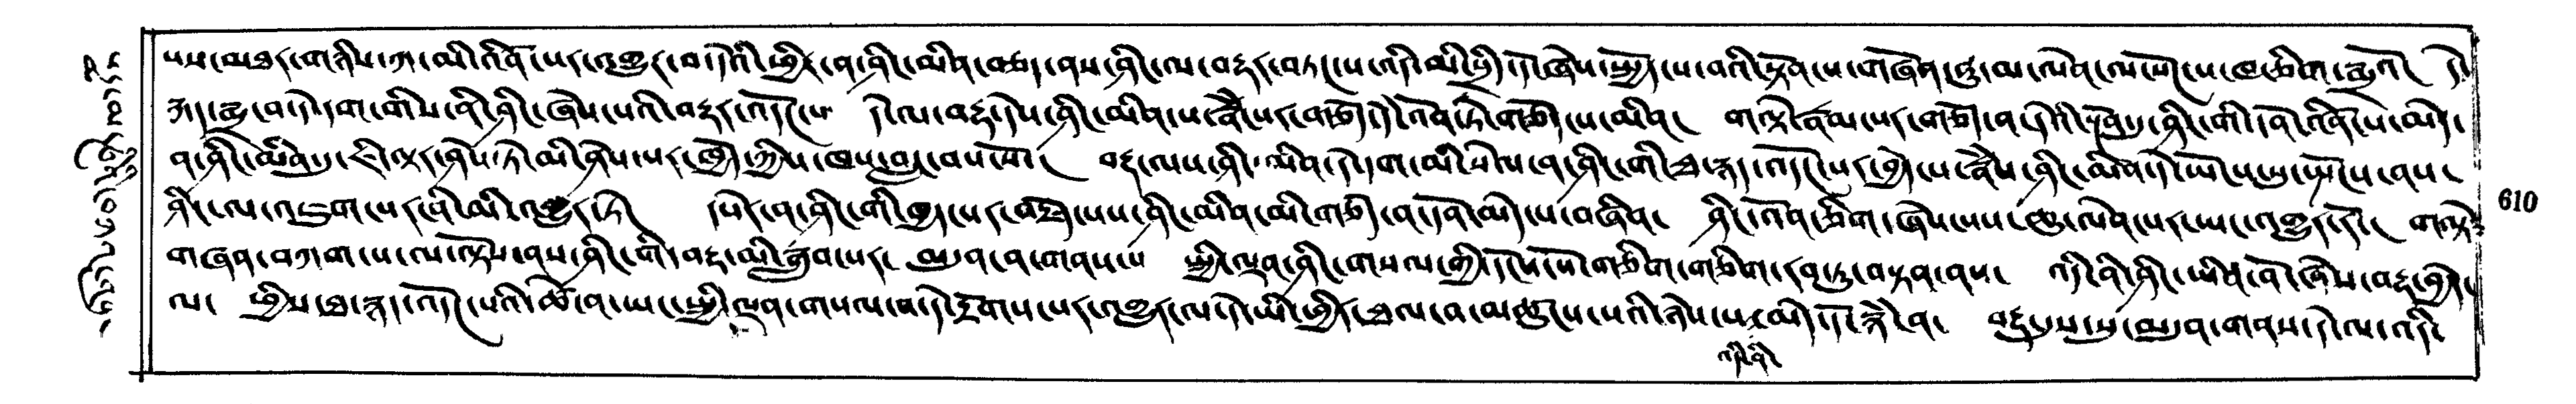པས་མཐར་གཉིས་ཀ་མི་འཛིན་པར་འགྱུར་བ་དེའི་ཕྱིར་ན་ཤིང་མིན་བཅད་ནས་ཤིང་ལ་བརྡར་བཏགས་པ་འདི་མི་སྲིད་དོ་ཞེས་སྤྱོད་པ་བའི་སྟོན་པ་གཞོན་ནུ་མ་ལེན་ལ་སོགས་པ་ཁ་ཅིག་སྨྲའོ།། དེ་
སྐད་སྨྲ་བ་དེ་དག་གིས་ནི་ཤིང་ཞེས་པའི་བརྡར་འདོགས་པ་དེ་ལ་བརྡ་དེས་ཤིང་མིན་པ་རྣམ་པར་གཅོད་དམ་འོན་ཏེ་གཅོད་པ་མིན། གལ་ཏེ་རྣམ་པར་གཅོད་ན་དེའི་སྔོན་དུ་ཤིང་གི་དོན་འཛིན་པ་མེད་
ན་ཤིང་མིན་དུ་ཇི་ལྟར་ཤེས་ཏེ་མི་ཤེས་པར་ཁྱོད་ཀྱི་ཁས་བླངས་བས་སོ།། བརྡ་ལས་ཤིང་མིན་དེ་དག་མི་སེལ་ན་ཤིང་གི་ཐ་སྙད་འདོགས་པར་བྱེད་པ་རྣམས་ཤིང་མིན་དེ་ཡོངས་སུ་སྤངས་ནས་
ཤིང་ལ་འཇུག་པར་ནི་མི་འགྱུར་ཏེ། དཔེར་ན་ཤིང་གི་ཁྱད་པར་བརྗོད་པས་ཤིང་མིན་མི་གཅོད་ན་དོན་མེད་པ་བཞིན། ཤིང་འོན་ཅིག་ཞེས་པས་ཆུ་ལེན་པར་ཡང་འགྱུར་རོ།། གལ་ཏེ་
གཞན་བཀག་པ་ལ་ལྟོས་ནས་ཤིང་གི་བརྡ་མི་སྒྲུབ་པར་མདུན་ན་གནས་པ།སྤྱི་ལྡན་ཤིང་གསལ་གྱི་དངོས་པོ་གཅིག་གཅིག་རབ་ཏུ་བསྟན་ནས། འདི་ནི་ཤིང་ཡིན་ནོ་ཞེས་བརྡར་བྱེད་
ལ། ཕྱིས་ཐ་སྙད་འདོགས་པའི་ཚེ་ན་ཡང་སྤྱི་ལྡན་གསལ་བ་དེ་རྟོགས་པར་འགྱུར་ལ་དེའི་ཕྱིར་ཐལ་བ་མཚུངས་པའི་ཉེས་པ་འདི་ནི་མེད་དོ་སྙམ་ན། བརྡ་དུས་སུ་མདུན་གནས་དེ་ལ་འདི་